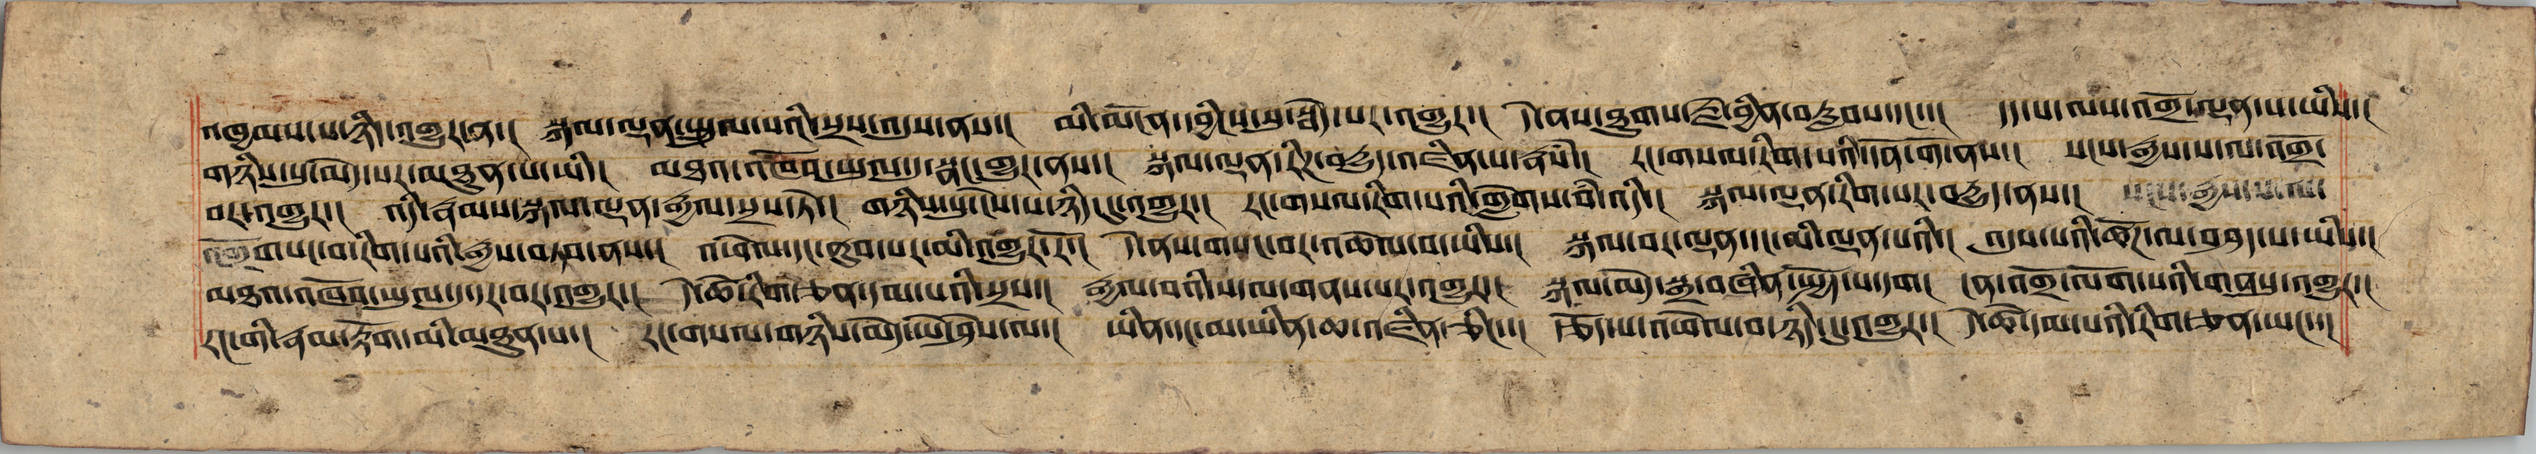འཁྱམས་པ་ཉིད་འགྱུར་ན་། སྐལ་ལྡན་སྤྲུལ་པའི་སྲས་འདུས་ནས་། མི་མངོན་དབྱིངས་སུ་སྦེད་པར་འགྱུར་། དེ་ནས་ཐུགས་རྗེ་བྱིན་བརླབས་དང་་། དད་པ་ལས་འགྲོ་ལྡན་པ་ཡིས་།
གཉིས་སུ་མེད་པར་མཐུན་པ་ཡི་། མཐའ་འཁོབ་ཡུལ་དུ་སྣང་གྱུར་ནས་། སྐལ་ལྡན་རིཌ་བདྱུད་འཛིན་པ་རྣཾས་། རང་གསལ་རིག་པའི་དོན་གོ་ནས་། སངས་རྒྱས་ས་ལ་འགྲོ་
བར་འགྱུར་། འདི་རྣམས་སྐལ་ལྡན་རྒྱལ་སྲས་་ཏེ་། གཉིས་སུ་ངེས་པ་ཉིད་དུ་འགྱུར་། རང་གསལ་རིག་པའི་གླེགས་བཾ་འདི་། སྐལ་ལྡན་རིག་པར་བདྱུད་ནས་། སངས་རྒྱས་ས་ལ་
འགྲོགསང་བ་རིག་པའི་རྒྱས་བཏབ་ནས་། འཕེལ་དང་ནུབ་པར་མི་འགྱུར་རོ་། དེ་ནས་གསང་བར་འཆེལ་བ་ཡིས་། སྐལ་བར་ལྡན་དང་མི་ལྡན་པའི་། འདུས་པའི་ཚོཌ་ལ་བཤད་པ་ཡིས་།
མཐའ་འཁོབ་ཡུལ་དུ་དར་བར་འགྱུར་། དེ་ཚེ་རིག་ཅན་དམ་པའི་སྲས་། རྒྱལ་བའི་ས་ལ་གནས་པར་འགྱུར་། སྐལ་མེད་སྒྲ་བཞིན་སྤྱོད་པ་དག་། ངན་འགྲོ་ལོག་པའི་གནསུ་འགྱུར་།
རང་གི་་རྣམ་རྟོག་མི་མཐུན་པ་། རང་གསལ་གཉིས་མེད་ཡེ་ཤེས་ལ་། ཡིན་དང་མ་ཡིན་ཆ་འཛིན་ཅིང་་། རྩོད་པ་འཕེལ་བ་ཉིད་དུ་འགྱུར་། དེ་ཚེ་དམ་པའི་རིག་ཅན་ཡང་་།